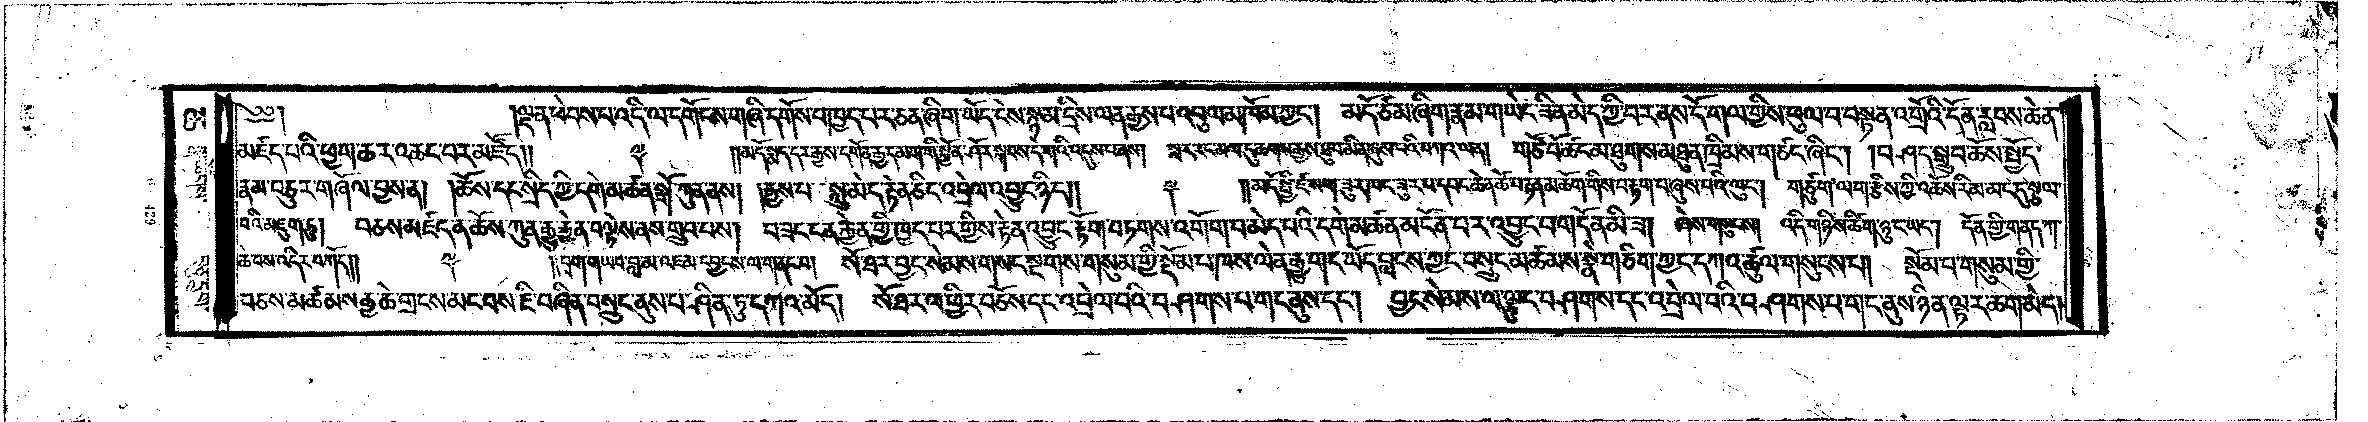༄༅། །ལྡན་ཕེབས་པ་འདི་ལ་དགོངས་གཞི་དགོས་པ་ཁྱད་པར་ཅན་ཞིག་ཡོད་ངེས་སྙམ་དྲིས་ལན་རྒྱས་པ་འབུལ་མཁོམ་ཀྱང་། མདོ་ཙམ་ཞིག་རྣམ་གཡེང་ཟིན་མེད་ཀྱི་བར་ནས་དོ་གལ་གྱིས་ཕུལ་བ་བསྟན་འགྲོའི་དོན་རླབས་ཆེན་
མཛད་པའི་ཕྱག་ཆར་འཆང་བར་མཛོད།། ༈ །།མདོ་སྨད་དར་རྒྱས་དགོན་རྒྱ་དམག་གི་སྐྱོན་ཤོར་སྐབས་དེ་གའི་འདུས་པ་ནས། སླར་རང་མལ་དུ་ཆགས་རྒྱས་ཐུབ་མིན་ཞུས་པའི་བཀའ་ལན།  གཙོ་བོ་ཚང་མ་ཐུགས་མཐུན་ཁྲིམས་གཙང་ཞིང་། །བཤད་སྒྲུབ་ཆོས་སྤྱོད་
རྣམ་བཅུར་གཞོལ་བྱས་ན། །ཆོས་དང་སྲིད་ཀྱི་དགེ་མཚན་སྒོ་ཀུན་ནས། །རྒྱས་པ་སླུ་མེད་རྟེན་ཅིང་འབྲེལ་འབྱུང་ཉིད།། ༈ །།མདོ་སྤྱི་ཛ་སག་ཟུར་ཁང་ཟུར་པ་དབང་ཆེན་ཚེ་བརྟན་མཆོག་གིས་བརྟག་བ་ཞུས་པའི་ལུང་། གཙུག་ལག་རྩིས་ཀྱི་འཆོས་རིམ་མང་དུ་སྩལ་
བའི་མཇུག་ཏུ། བཅས་མཛད་ན་ཆོས་ཀུན་རྒྱུ་རྐྱེན་བལྟེས་ནས་གྲུབ་པས། བཟང་ངན་རྐྱེན་གྱི་ཁྱད་པར་གྱིས་རྟེན་འབྱུང་རྟོག་བཏགས་འགོག་པ་མེད་པའི་དགེ་མཚན་མངོན་པར་འབྱུང་བ་གདོན་མི་ཟ། ཞེས་གསུངས། འདི་གཉིས་ཚིག་ཉུང་ཡང་། དོན་གྱི་གནད་ཀ་
ཆེབས་འདིར་བཀོད།། ༈ །།བྲག་གཡབ་བླ་མ་འཇམ་དབྱངས་ལ་གནང་བ། སོ་ཐར་བྱང་སེམས་གསང་སྔགས་གསུམ་གྱི་སྡོམ་པ་ཁས་ལེན་རྒྱུ་གང་ཡོད་བླངས་ཀྱང་བསྲུང་མཚམས་སྣེ་གཅིག་ཀྱང་དཀའ་ཚུལ་གསུངས་པ། སྡོམ་པ་གསུམ་གྱི་
བཅས་མཚམས་རྒྱ་ཆེ་གྲངས་མང་བས་ཇི་བཞིན་བསྲུང་ནུས་པ་ཤིན་ཏུ་དཀའ་མོད། སོ་ཐར་ལ་ཕྱིར་བཅོས་དང་འབྲེལ་བའི་བཤགས་པ་གང་ནུས་དང་། བྱང་སེམས་ལ་ལྟུང་བཤགས་དང་འབྲེལ་བའི་བཤགས་པ་གང་ནུས་ཉིན་ལྟར་ཆག་མེད།